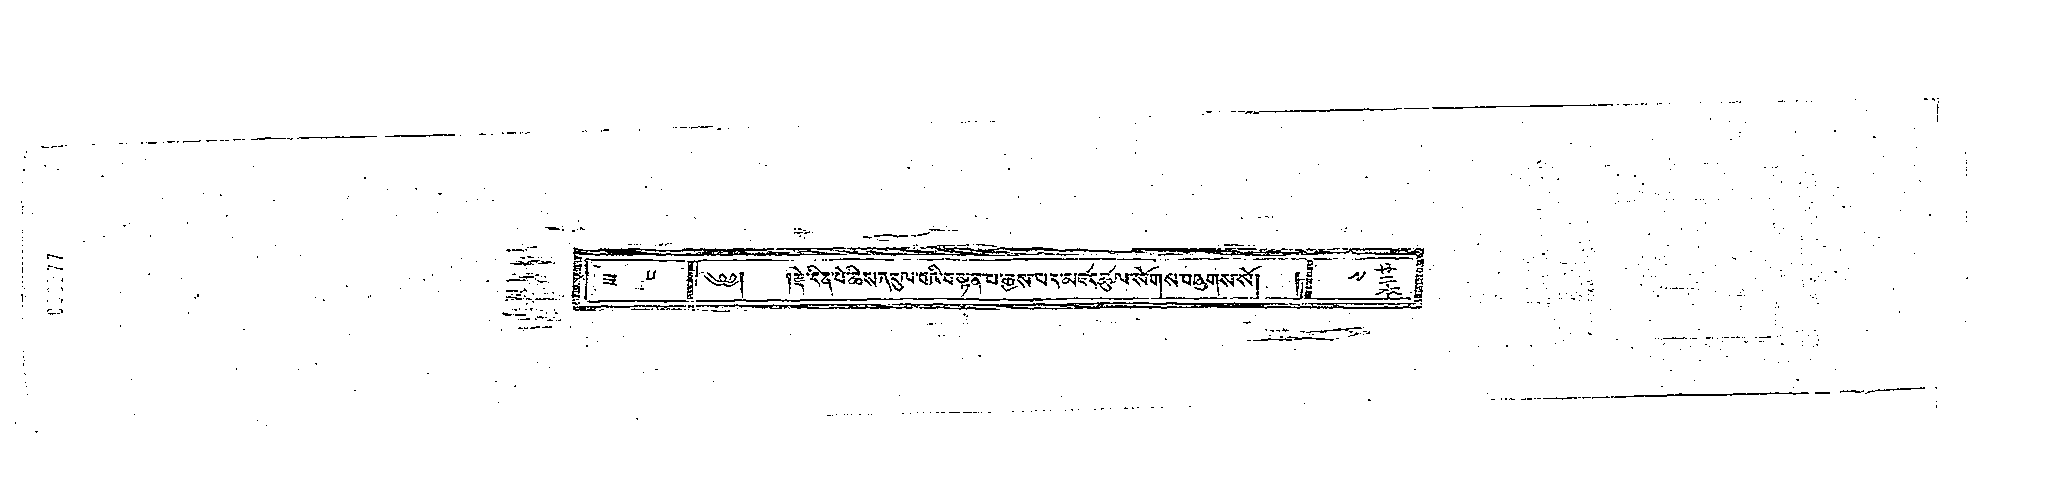ཏ ༢༢?
༄༅། །རྗེ་རིན་པོ་ཆེས་འདུལ་བའི་བསྟན་པ་རྒྱས་པར་མཛད་ཚུལ་སོགས་བཞུགས་སོ། །།